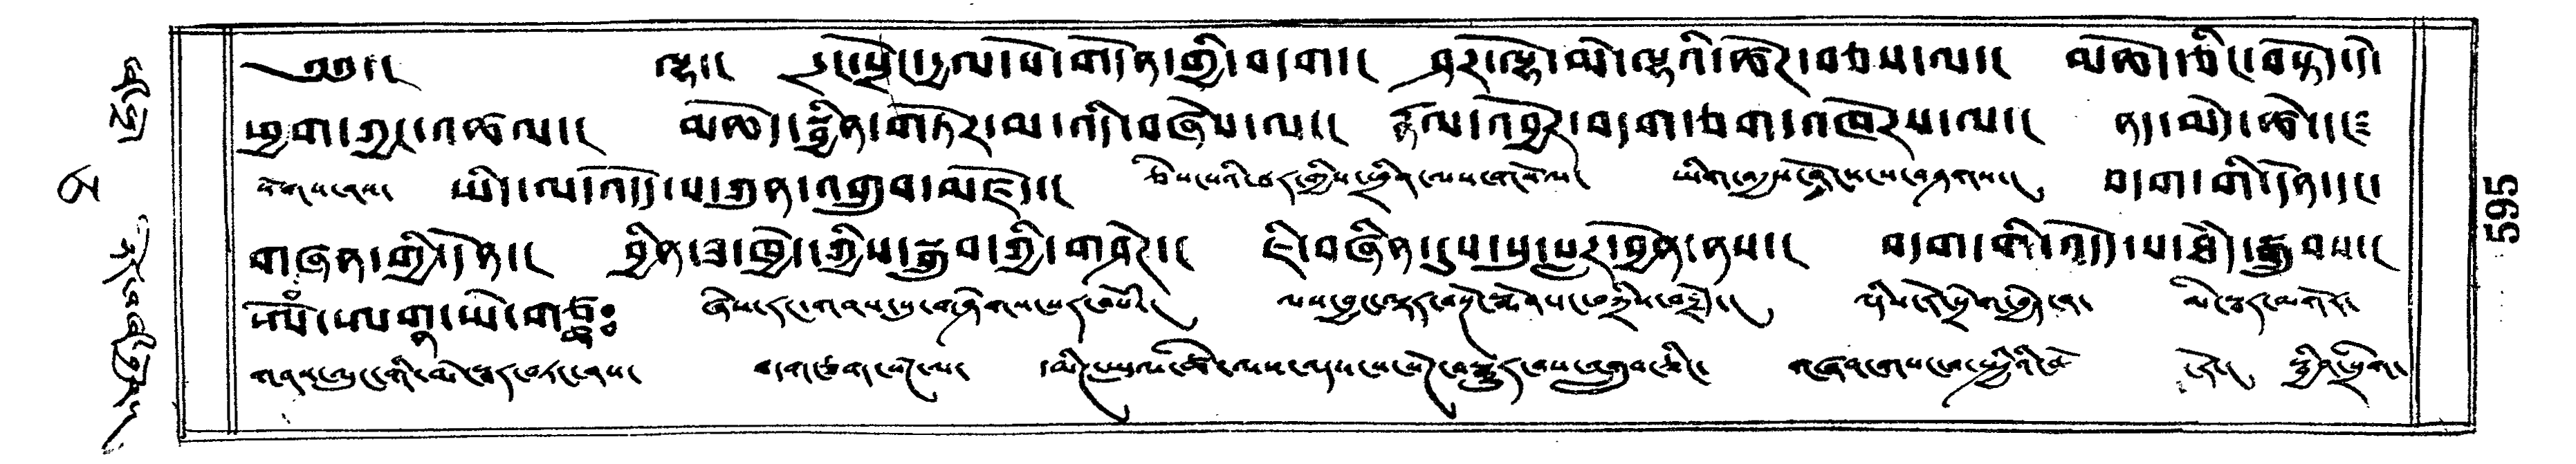ལྷ། །དྲང་སྲོང་རྒྱལ་པོ་གདོན་གྱི་བདག །ཤར་ལྷོ་མེ་ལྷའི་ཚོགས་བཅས་ལ། །མཆོད་ཅིང་བསྟོད་དེ་
ཕྱག་ཀྱང་འཚལ། །མཆོད་སྦྱིན་གཏོར་མ་འདི་བཞེས་ལ། །རྣལ་འབྱོར་བདག་ཅག་འཁོར་འདས་ལ། །ནད་མེད་ཚེ་དང༴ 
སོགས་ནས། ཡིད་ལ་འདོད་པ་ཀུན་འགྲུབ་མཛོད། ཅེས་པའི་བར་གྱིས་ཕྲིན་ལས་གསོལ། ཡིག་བརྒྱས་ནོངས་པ་བཤགས། བདག་གི་དོན་དང་
གཞན་གྱི་དོན། །བྱིན་ཟ་ཁྱོད་ཀྱིས་སྒྲུབ་ཀྱི་གཤེགས། །ཇི་བཞིན་དུས་སུ་སླར་བྱོན་ནས། །བདག་གི་འདོད་པ་ཐམས་ཅད་སྒྲུབས། 
ཨོཾ་ཨགྣ་ཡེ་གཙྪཿ ཞེས་རང་གནས་སུ་གཤེགས་པར་བསམ། ལས་བྱང་ལྟར་བསྔོ་སྨོན་དང་བཀྲ་ཤིས་བརྗོད། འདིས་རོ་སྲེག་བྱེད་ན། མེ་སྦར་མགོར་
གནས་ལུང་གི་མེ་སྦར་བཏང་ནས། བདག་ཅག༴ སོགས་ལ། དམིགས་ཡུལ་ཚེ་ལས་འདས་པ༴ སོགས་བསྒྱུར་བས་འགྲུབ་ཅིང་། གཞན་གསང་བ་སྤྱིའི་ཆོ་གའི་ལུགས་ལྟར་རོ། སྦྱིན་སྲེག་